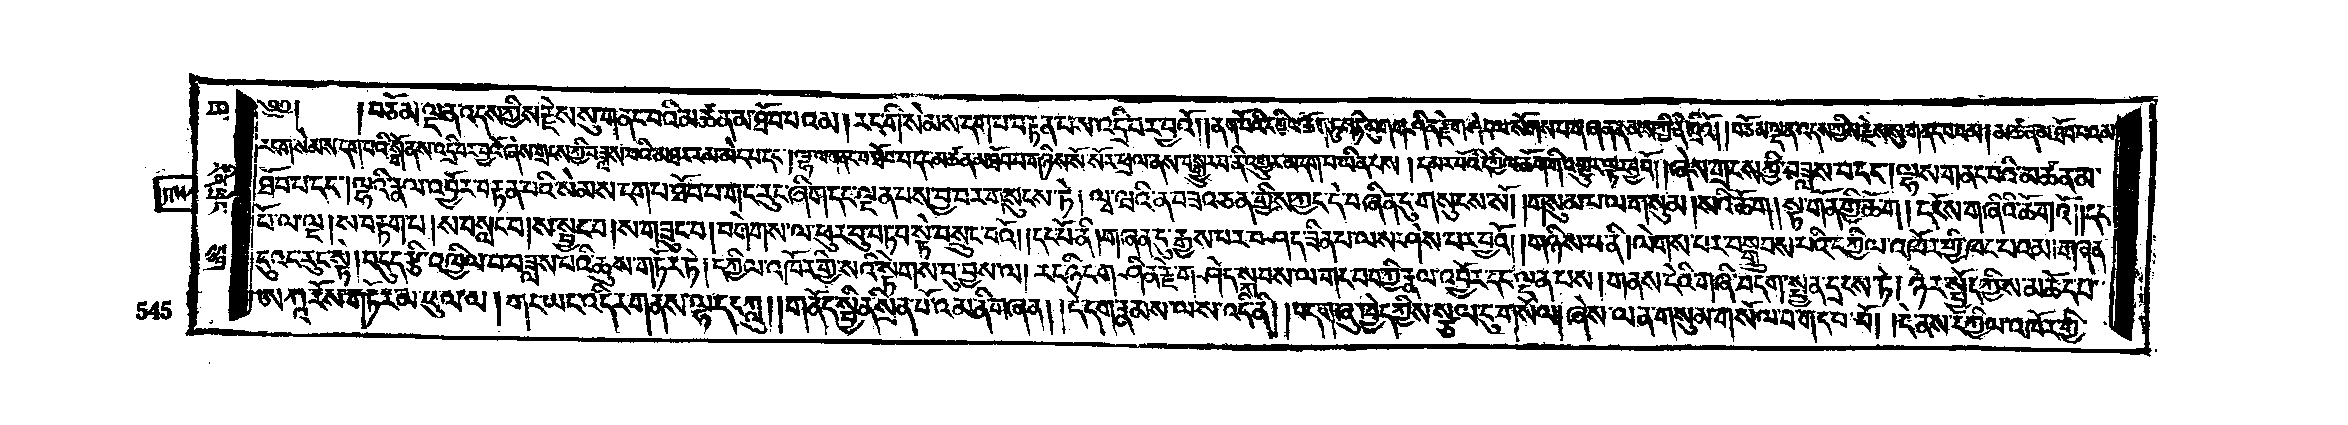༄༅། །བཅོམ་ལྡན་འདས་ཀྱིས་རྗེས་སུ་གནང་བའི་མཚན་མ་ཐོབ་པའམ། རང་གི་སེམས་དག་པ་བརྟན་པས་འདྲི་བར་བྱའོ། །ནག་པོའི་དཀྱིལ་ཆོག་ཏུ་གཏི་མུག་གཤིན་རྗེ་གཤེད་ལ་སོགས་པ་གཞན་རྣམས་ཀྱི་ནི་ཁྲིའོ། །བཅོམ་ལྡན་འདས་ཀྱིས་རྗེས་སུ་གནང་བའམ། མཚན་མ་ཐོབ་པའམ་
རང་སེམས་དག་པའི་སྒོ་ནས་འདྲི་བར་བྱའོ་ཞེས་གྲངས་ཀྱི་བཟླས་བའི་མཐར་རམ་མེད་པ་དང་། ལྷ་ལ་གནང་བ་ཐོབ་པ་དང་མཚན་མ་ཐོབ་པ་གཉིས་སོ་སོར་ཕྲལ་ནས་བསྒྱུར་བ་ནི་འགྱུར་མ་དག་པ་ཡིན་པས། དམར་པོའི་དཀྱིལ་ཆོག་གི་འགྱུར་ལྟར་བྱའོ། །ཞེས་གྲངས་ཀྱི་བཟླས་པ་དང་། ལྷས་གནང་བའི་མཚན་མ་
ཐོབ་པ་དང་། ལྷའི་རྣལ་འབྱོར་བརྟན་པའི་སེམས་དག་པ་ཐོབ་པ་གང་རུང་ཞིག་དང་ལྡན་པས་བྱ་བར་གསུངས་ཏེ། ལྭ་ཝའི་ན་བཟའ་ཅན་གྱིས་ཀྱང་དེ་བཞིན་དུ་གསུངས་སོ། །གསུམ་པ་ལ་གསུམ། སའི་ཆོ་ག །སྟ་གོན་གྱི་ཆོ་ག །དངོས་གཞིའི་ཆོ་གའོ། །དང་
པོ་ལ་ལྔ། ས་བརྟག་པ། ས་བསླང་བ། ས་སྦྱང་བ། ས་གཟུང་བ། བགེགས་ལ་ཕུར་བུ་བཏབ་སྟེ་བསྲུང་བའོ། །དང་པོ་ནི། གཞན་དུ་རྒྱས་པར་བཤད་ཟིན་པ་ལས་ཤེས་པར་བྱའོ། །གཉིས་པ་ནི། ལེགས་པར་བསྒྲུབས་པའི་དཀྱིལ་འཁོར་གྱི་ཁང་པའམ་གཞན་
དུའང་རུང་སྟེ། བདུད་རྩི་འཁྱིལ་བ་བཟླས་པའི་ཆུས་གཏོར་ཏེ། དཀྱིལ་འཁོར་གྱི་སའི་སྟེགས་བུ་བྱས་ལ། རང་ཉིད་གཤིན་རྗེ་གཤེད་སྐབས་ལ་གང་བབ་ཀྱི་རྣལ་འབྱོར་དང་ལྡན་པས། གནས་དེའི་གཞི་བདག་སྤྱན་དྲངས་ཏེ། ཉེར་སྤྱོད་ཀྱིས་མཆོད་པ་
ཨ་ཀཱ་རོས་གཏོར་མ་ཕུལ་ལ། གང་ཡང་འདིར་གནས་ལྷ་དང་ཀླུ། །གནོད་སྦྱིན་སྲིན་པོ་འམ་ནི་གཞན། །དེ་དག་རྣམས་ལ་ས་འདི་ནི། །བདག་ཞུ་ཁྱེད་ཀྱིས་སྩལ་དུ་གསོལ། ཞེས་ལན་གསུམ་གསོལ་བ་གདབ་བོ། །དེ་ནས་དཀྱིལ་འཁོར་གྱི་